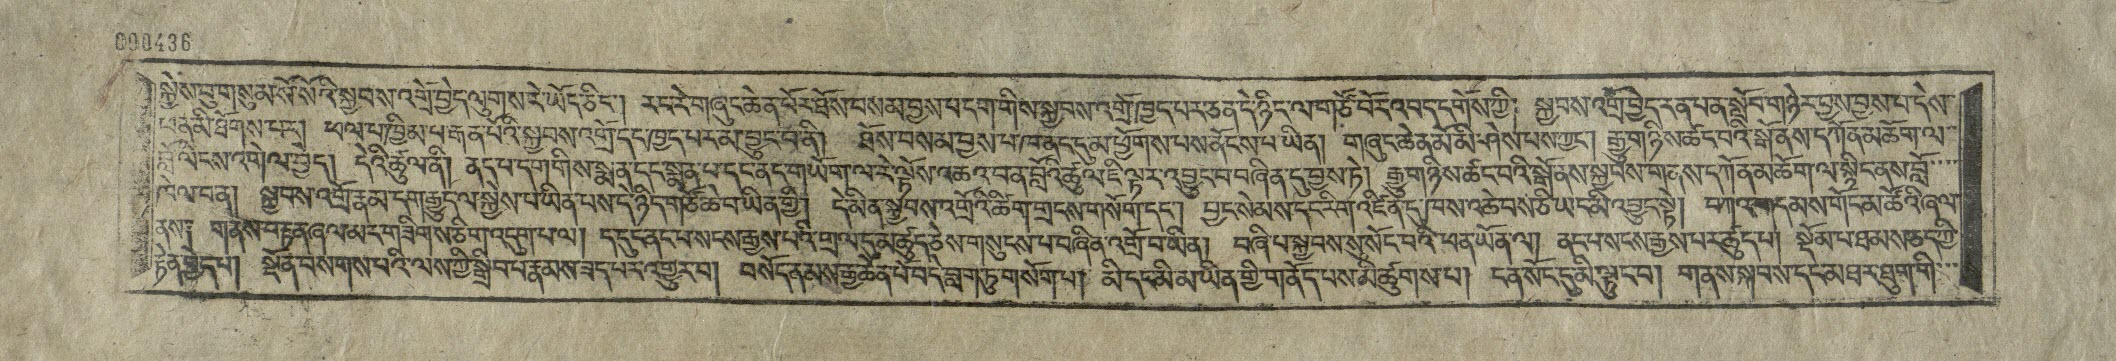སྐྱེས་བུ་གསུམ་སོ་སོའི་སྐྱབས་འགྲོ་བྱེད་ལུགས་རེ་ཡོད་ཅིང་། རང་རེ་གཞུང་ཆེན་པོར་ཐོས་བསམ་བྱས་པ་ངག་གིས་སྐྱབས་འགྲོ་ཁྱད་པར་ཅན་དེ་ཉིད་ལ་གཙོ་བོར་འབད་དགོས་ཀྱི། སྐྱབས་འགྲོ་བྱེད་རན་པ་ན་སློབ་གཉེར་བྱས་བྱས་པ་དེས་
ཕན་མི་ཐོགས་པར། ཕལ་པ་ཁྱིམ་པ་རྒན་པོའི་སྐྱབས་འགྲོ་དང་ཁྱད་པར་མ་བྱུང་བ་ནི། ཐོས་བསམ་བྱས་པ་ཁ་ནང་དུ་མ་ཕྱོགས་པས་ནོངས་པ་ཡིན། གཞུང་ཆིན་མོ་མི་ཤེས་པས་ཀྱང་། རྒྱུ་གཉིས་ཚང་བའི་སྒོ་ནས་དཀོན་མཆོག་ལ་
བློ་ལིངས་འགེལ་བྱེད། དེའི་ཚུལ་ནི། ནད་པ་དག་གིས་སྨན་དང་སྨན་པ་དང་ནད་གཡོག་ལ་རེ་ལྟོས་འཆའ་བ་ན་བློའི་ཚུལ་ཇི་ལྟར་འབྱུང་བ་བཞིན་དུ་བྱས་ཏེ། རྒྱུ་གཉིས་ཚང་བའི་སྒོ་ནས་སྐྱབས་གནས་དཀོན་མཆོག་ལ་སྙིང་ནས་བློ་
ཁེལ་བ་ན། སྐྱབས་འགྲོ་རྣམ་དག་རྒྱུད་ལ་སྐྱེས་པ་ཡིན་པས་དེ་ཉིད་གཙོ་ཆེ་བ་ཡིན་གྱི། དེ་མིན་སྐྱབས་འགྲོའི་ཚིག་གྲངས་གསོག་དང་། བྱང་སེམས་དང་རིག་འཛིན་དུ་ཁས་འཆེབས་ཅི་ཡང་མི་འབྱུང་སྟེ། བཀའ་གདམས་གོང་མ་ཚོའི་ཞལ་
ནས༑ གནས་བརྟན་ཞལ་མར་གཟིགས་ཅིག་འདུག་པ་ལ། ད་དུང་ནང་པ་སངས་རྒྱས་པའི་གྲལ་དུ་མ་ཚུད་ཅེས་གསུངས་པ་བཞིན་འགྲོ་བ་ཡིན། བཞི་པ་སྐྱབས་སུ་སོང་བའི་ཕན་ཡོན་ལ། ནང་པ་སངས་རྒྱས་པར་ཚུད་པ། སྡོམ་པ་ཐམས་ཅད་ཀྱི་
རྟེན་བྱེད་པ། སྔོན་བསགས་པའི་ལས་ཀྱི་སྒྲིབ་པ་རྣམས་ཟད་པར་འགྱུར་བ། བསོད་ནམས་རྒྱ་ཆེན་པོ་བདེ་བླག་ཏུ་གསོག་པ། མི་དང་མི་མ་ཡིན་གྱི་གནོད་པས་མི་ཚུགས་པ། ངན་སོང་དུ་མི་ལྟུང་བ། གནས་སྐབས་དང་མཐར་ཐུག་གི་